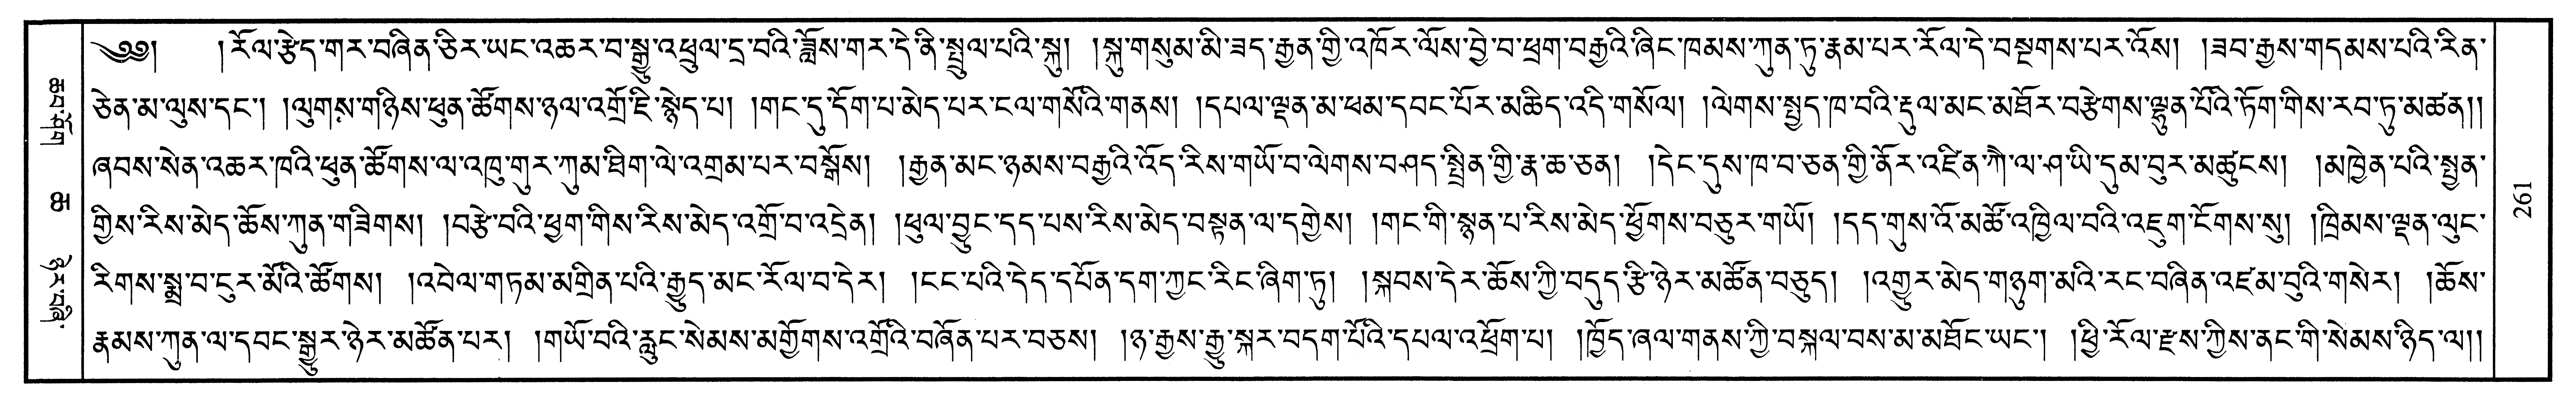༄༅། །རོལ་རྩེད་གར་བཞིན་ཅིར་ཡང་འཆར་བ་སྒྱུ་འཕྲུལ་དྲ་བའི་ཟློས་གར་དེ་ནི་སྤྲུལ་པའི་སྐུ། །སྐུ་གསུམ་མི་ཟད་རྒྱན་གྱི་འཁོར་ལོས་བྱེ་བ་ཕྲག་བརྒྱའི་ཞིང་ཁམས་ཀུན་ཏུ་རྣམ་པར་རོལ་དེ་བསྔགས་པར་འོས། །ཟབ་རྒྱས་གདམས་པའི་རིན་
ཅེན་མ་ལུས་དང་། །ལུགས་གཉིས་ཕུན་ཚོགས་ཉལ་འགྲོ་ཇི་སྙེད་པ། །གང་དུ་དོག་པ་མེད་པར་ངལ་གསོའི་གནས། །དཔལ་ལྡན་མ་ཕམ་དབང་པོར་མཆིད་འདི་གསོལ། །ལེགས་སྤྱད་ཁ་བའི་རྡུལ་མང་མཐོར་བརྩེགས་ལྷུན་པོའི་ཏོག་གིས་རབ་ཏུ་མཚན།།
ཞབས་སེན་འཆར་ཁའི་ཕུན་ཚོགས་ལ་འཁུ་གུར་ཀུན་ཐིག་ལེ་འགྲམ་པར་བསྒོས། །རྒྱན་མང་ཉམས་བརྒྱའི་འོད་རིས་གཡོ་བ་ལེགས་བཤད་སྤྲིན་གྱི་རྣ་ཆ་ཅན། །དེང་དུས་ཁ་བ་ཅན་གྱི་ནོར་འཛིན་ཀཻ་ལ་ཤ་ཡི་དུམ་བུར་མཚུངས། །མཁྱེན་པའི་སྤྱན་
གྱིས་རིས་མེད་ཆོས་ཀུན་གཟིགས། །བརྩེ་བའི་ཕྱག་གིས་རིས་མེད་འགྲོ་བ་འདྲེན། །ཕུལ་བྱུང་དད་པས་རིས་མེད་བསྟན་ལ་དགྱེས། །གང་གི་སྙན་པ་རིས་མེད་ཕྱོགས་བཅུར་གཡོ། །དད་གུས་འོ་མཚོ་འཁྱིལ་བའི་འཇུག་ངོགས་སུ། །ཁྲིམས་ལྡན་ལུང་
རིགས་སྨྲ་བ་ངུར་མོའི་ཚོགས། །འབེལ་གཏམ་མགྲིན་པའི་རྒྱུད་མང་རོལ་བ་དེར། །ངང་པའི་དེད་དཔོན་དག་ཀྱང་རིང་ཞིག་ཏུ། །སྐབས་དེར་ཆོས་ཀྱི་བདུད་རྩི་ཉེར་མཚོན་བཅུད། །འགྱུར་མེད་གཉུག་མའི་རང་བཞིན་འཛམ་བུའི་གསེར། །ཆོས་
རྣམས་ཀུན་ལ་དབང་སྒྱུར་ཉེར་མཚོན་པར། །གཡོ་བའི་རླུང་སེམས་མགྱོགས་འགྲོའི་བཞོན་པར་བཅས། །ཉ་རྒྱས་རྒྱུ་སྐར་བདག་པོའི་དཔལ་འཕྲོག་པ། །ཁྱོད་ཞལ་གནས་ཀྱི་བསྐལ་བས་མ་མཐོང་ཡང་། །ཕྱི་རོལ་རྫས་ཀྱིས་ནང་གི་སེམས་ཉིད་ལ།།